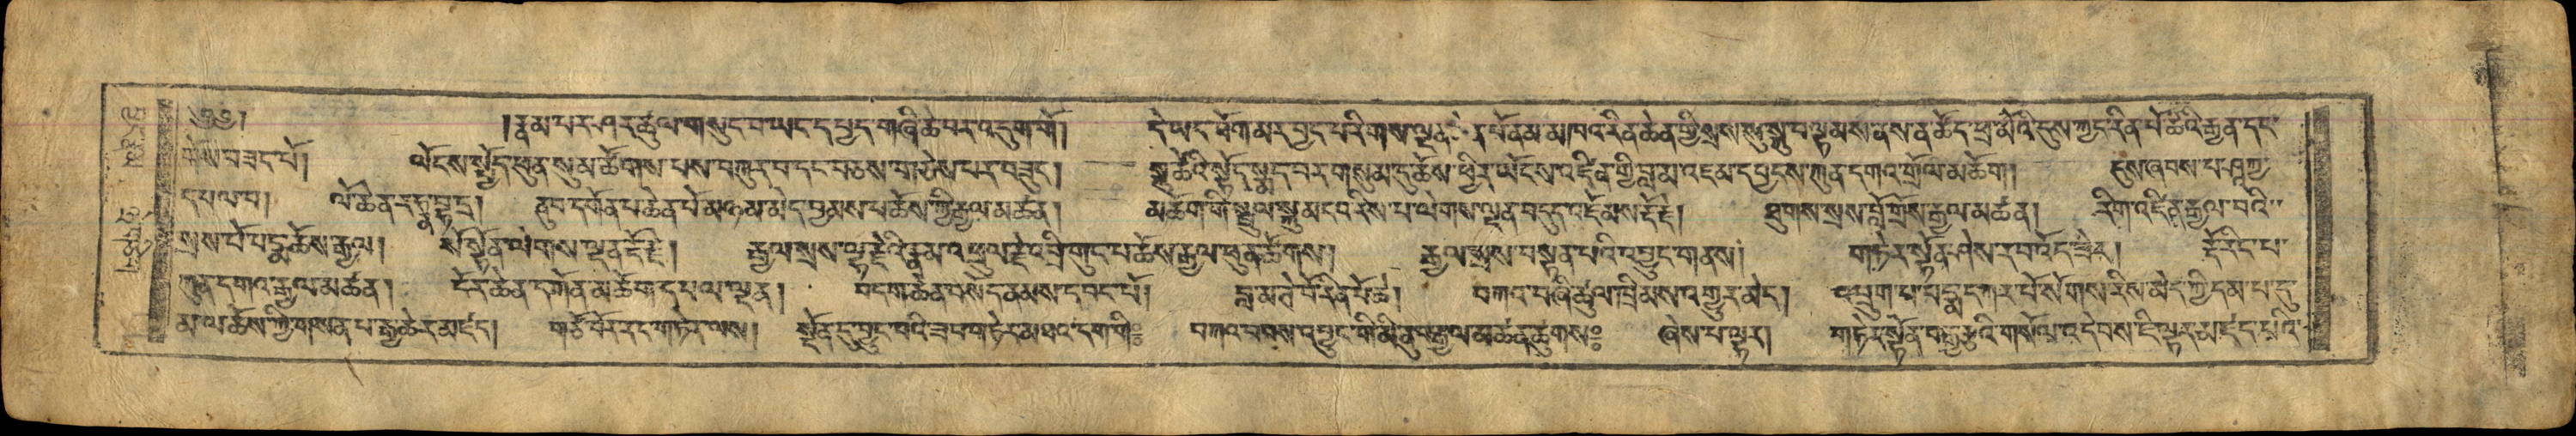༄༅། །རྣམ་པར་ཤར་ཚུལ་གསུང་བ་ཡང་དཔྱད་གཞི་ཆེ་བར་འདུག་གོ། དེ་ཡང་ཐོག་མར་བྱང་པ་རིགས་ལྡན་ཆེན་པོ་ནམ་མཁའ་རིན་ཆེན་གྱི་སྲས་སུ་སྐུ་བལྟམས་ནས་ན་ཚོད་ཕྲ་མོའི་དུས་ཀྱང་རིན་པོ་ཆེའི་རྒྱན་དང་
གོས་བཟང་པོ། ལོངས་སྤྱོད་ཕུན་སུམ་ཚོགས་པས་བཀུར་བ་དང་བཅས་གཅེས་པར་བཟུང་། སྐུ་ཚེའི་སྟོད་སྨད་བར་གསུམ་དུ་ཆོས་ཕྱིར་ཡོངས་འཛིན་གྱི་བླ་མ་འཇམ་དབྱངས་ཀུན་དགའ་གྲོལ་མཆོག། དུས་ཞབས་པ་ཤཱཀྱ་
དཔལ་མོ། ལོ་ཆེན་རཏྣ་བྷ་དྲ། ནུབ་དགོན་པ་ཆེན་པོ་མཉམ་མེད་བྱམས་པ་ཆོས་ཀྱི་རྒྱལ་མཚན། མཆོག་གི་སྤྲུལ་སྐུ་མངའ་རིས་པ་ལེགས་ལྡན་བདུད་འཇོམས་རྡོ་རྗེ། ཐུགས་སྲས་བློ་གྲོས་རྒྱལ་མཚན། རིག་འཛིན་རྒྱལ་བའི་
སྲས་པོ་པདམ་ཆོས་རྒྱལ། སོ་སྟོན་ལེགས་ལྡན་རྡོ་རྗེ། རྒྱལ་སྲས་ལྷ་རྗེའི་རྣམ་འཕྲུལ་རྗེ་འབྲི་གུང་པ་ཆོས་རྒྱལ་ཕུན་ཚོགས། རྒྱལ་སྲས་བསྟན་པའི་འབྱུང་གནས། གཏེར་སྟོན་ཤེས་རབ་འོད་ཟེར། རྡོ་རིང་པ་
ཀུན་དགའ་རྒྱལ་མཚན། ངོར་ཆེན་དཀོན་མཆོག་དཔལ་ལྡན། བདག་ཆེན་བསོད་ནམས་དབང་པོ། བླ་མ་ཊེ་བོ་རིན་པོ་ཆེ། བཀའ་བཞི་ཚུལ་ཁྲིམས་འགྱུར་མེད། འབྲུག་པ་པདམ་དཀར་པོ་སོགས་རིས་མེད་ཀྱི་དམ་པ་དུ་
མ་ལ་ཆོས་ཀྱི་གསན་པ་རྒྱ་ཆེར་མཛད། གཙོ་བོར་རང་གཏེར་ལས། སྔོན་དུ་བྱུང་བའི་ཟབ་གཏེར་མཐའ་དག་གིཿ་བཀའ་ས་འབྱུང་གི་མི་ནུབ་རྒྱལ་མཚན་ཚུགསཿ་ཞེས་པ་ལྟར། གཏེར་སྟོན་བརྒྱ་རྩའི་གསོལ་འདེབས་ཇི་ལྟར་མཛད་པའི་